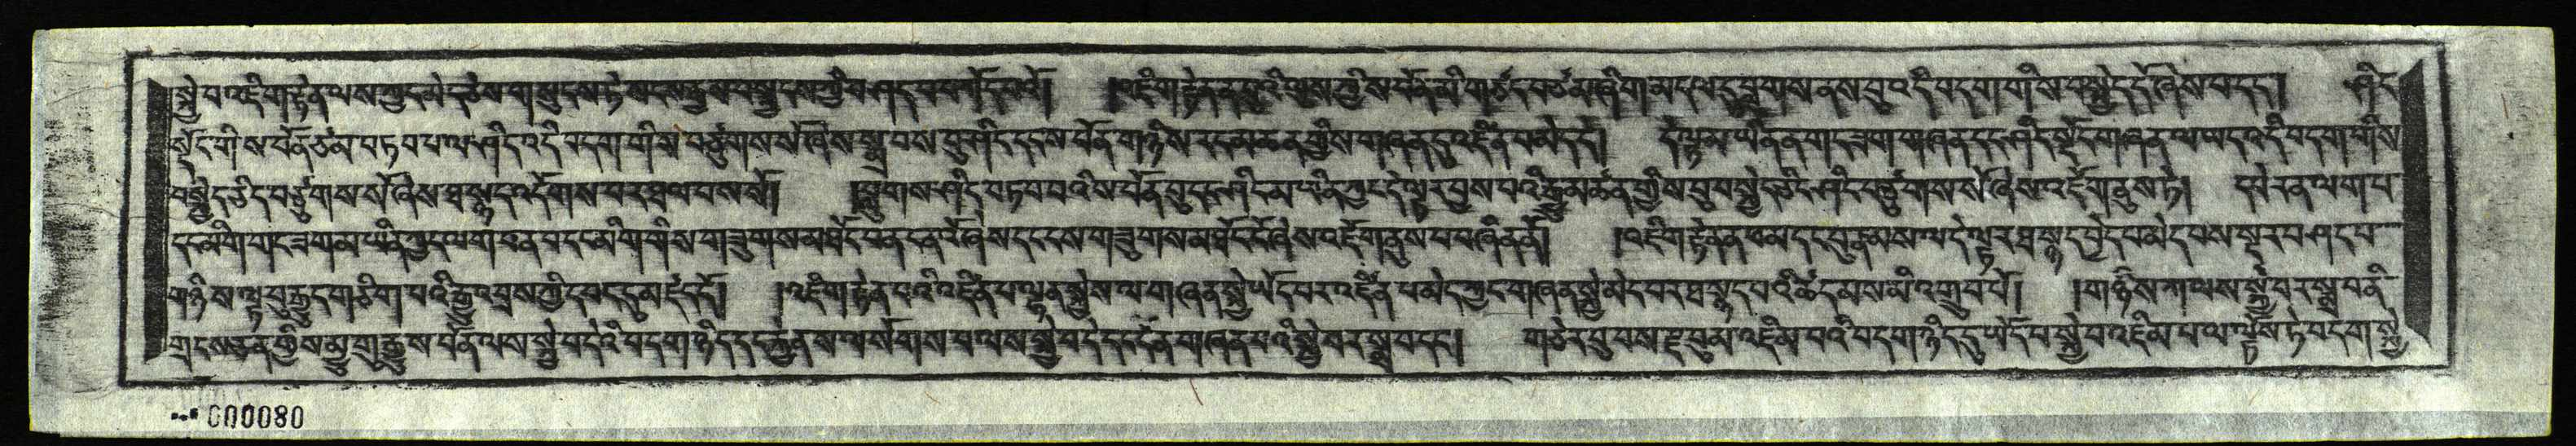སྐྱེ་བ་འཇིག་རྟེན་ལས་ཀྱང་མེད་ཅེས་གསུངས་ཏེ་སངས་རྒྱས་བསྐྱངས་ཀྱི་བཤད་པ་བཀོད་པའོ། །འཇིག་རྟེན་ན་བུའི་ལུས་ཀྱི་ས་བོན་མི་གཙད་པ་ཙམ་ཞིག་མངལ་དུ་བླུགས་ནས་བུ་འདི་བདག་གིས་བསྐྱེད་དོ་ཞེས་པ་དང་། ཤིང་
སྡོང་གི་ས་བོན་ཙམ་བཏབ་པ་ལ་ཤིང་འདི་བདག་གིས་བཙུགས་སོ་ཞེས་སྨྲ་བས་བུ་ཤིང་དང་ས་བོན་གཉིས་རང་མཚན་གྱིས་གཞན་དུ་འཛིན་པ་མེད་དོ། དེ་ལྟ་མ་ཡིན་ན་གང་ཟག་གཞན་དང་ཤིང་སྡོང་གཞན་ལ་ཡང་འདི་བདག་གིས་
བསྐྱེད་ཅིང་བཙུགས་སོ་ཞེས་ཐ་སྙད་འདོགས་པར་ཐལ་བས་སོ། །བླུགས་ཤིང་བཏབ་པའི་ས་བོན་བུ་དང་ཤིང་མ་ཡིན་ཀྱང་དེ་ལྟར་བྱས་པའི་རྒྱུ་མཚན་གྱིས་བུ་བསྐྱེད་ཅིང་ཤིང་བཙུགས་སོ་ཞེས་འཇོག་ནུས་ཏེ། དཔེར་ན་ལག་པ་
དང་མིག་གང་ཟག་མ་ཡིན་ཀྱང་ལག་པ་ན་བ་དང་མིག་གིས་གཟུགས་མཐོང་བ་ན་ང་ནའོ་ཞེས་དང་ངས་གཟུགས་མཐོང་ངོ་ཞེས་འཇོག་ནུས་པ་བཞིན་ནོ། །འཇིག་རྟེན་ན་ཕ་མ་དང་བུ་རྣམས་ལ་དེ་ལྟར་ཐ་སྙད་བྱེད་པ་མེད་པས་སྔར་བཤད་པ་
གཉིས་ལྟ་བུ་རྒྱུད་གཅིག་པའི་རྒྱུ་འབྲས་ཀྱི་དབང་དུ་མཛད་དོ། །འཇིག་རྟེན་པའི་འཛིན་པ་ལྷན་སྐྱེས་ལ་གཞན་སྐྱེ་ཡོད་པར་འཛིན་པ་མེད་ཀྱང་གཞན་སྐྱེ་མེད་པར་ཐ་སྙད་པའི་ཚད་མས་མི་འགྲུབ་པོ། །གཉིས་ཀ་ལས་སྐྱེ་བར་སྨྲ་བ་ནི་
གྲངས་ཅན་གྱིས་མྱུ་གུ་རྒྱུ་ས་བོན་ལས་སྐྱེ་བ་དེའི་བདག་ཉིད་དང་རྐྱེན་ས་ལ་སོགས་པ་ལས་སྐྱེ་བ་དེ་དང་དོན་གཞན་པའི་སྐྱེ་བར་སྨྲ་བ་དང་། གཅེར་བུ་པས་རྫ་བུམ་འཇིམ་པའི་བདག་ཉིད་དུ་ཡོད་པ་སྐྱེ་བ་འཇིམ་པ་ལ་ལྟོས་ཏེ་བདག་སྐྱེ་